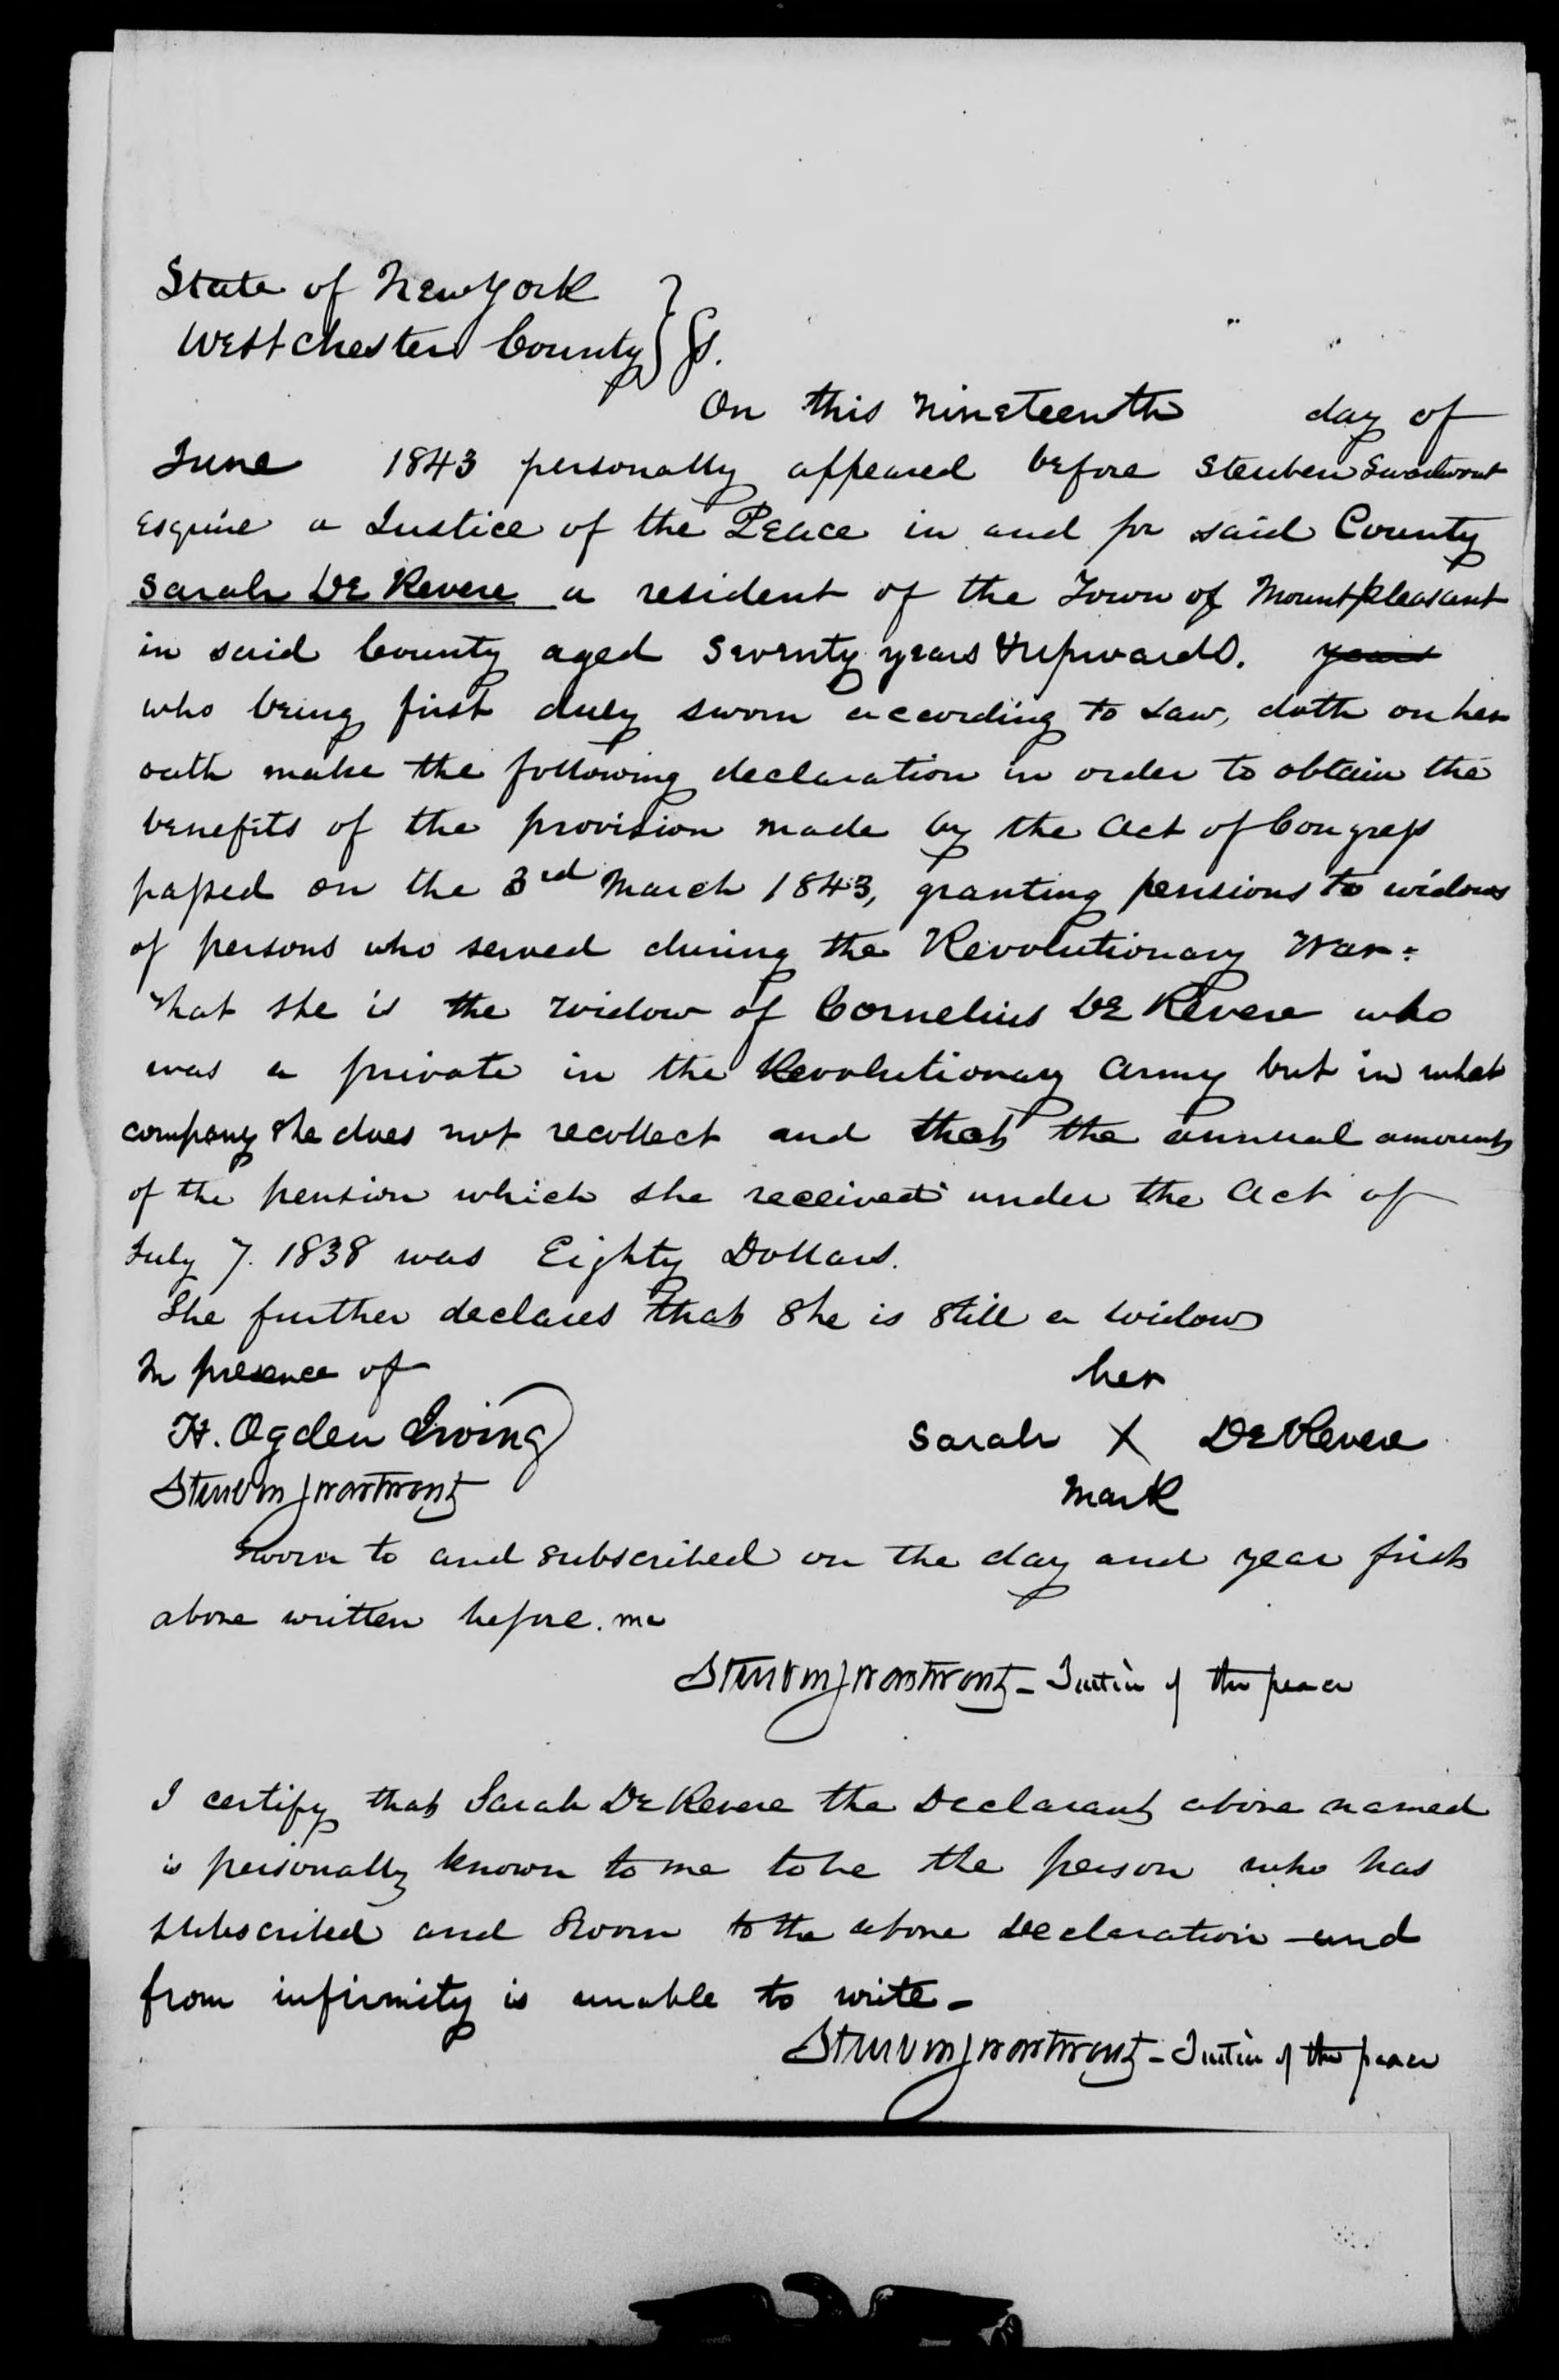State of New York
Westchester County

On this nineteenth day of June 1843 personally appeared before Steuben Swartwout Esquire a Justice of the Peace in and for said County Sarah DeRevere [name underlined] a resident of the Town of Mount Pleasant in said County aged seventy years upwards.  ["years" crossed out] who being first duly sworn according to law, doth on her oath make the following declaration in order to obtain the benefits of the provision made by the Act of Congress passed on the 3rd March 1843, granting pensions to widows of persons who served during the Revolutionary War:  that she is the widow of Cornelius DeRevere who was a private in the Revolutionary Army but in what company she does not recollect and that the annual award of the pension which she received under the Act of July 7 1838 was Eighty Dollars.

She further declares that she is still a widow
In presence of 
H. Ogden Irving       Sarah her mark [handwritten "X"] DeRevere
Steuben Swartwout
Sworn to and subscribed on the day and year first above written before me 
[signed] Steuben Swartwout - Justice of the peace

I certify that Sarah DeRevere the Declarant above named is personally known to me to be the person who has subscribed and sworn to the above Declaration - and from infirmity is unable to write -
[signed] Steuben Swartwout - Justice of the peace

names: Sarah De Revere, Cornelius De Revere, Steuben Swartwout, H Ogden Irving, Sarah De Revere, Steuben Swartwout, Sarah De Revere, Steuben Swartwout, Steuben Swartwout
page: 20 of 40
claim: widow's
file: W. 24057, Cornelius De Revere, New York